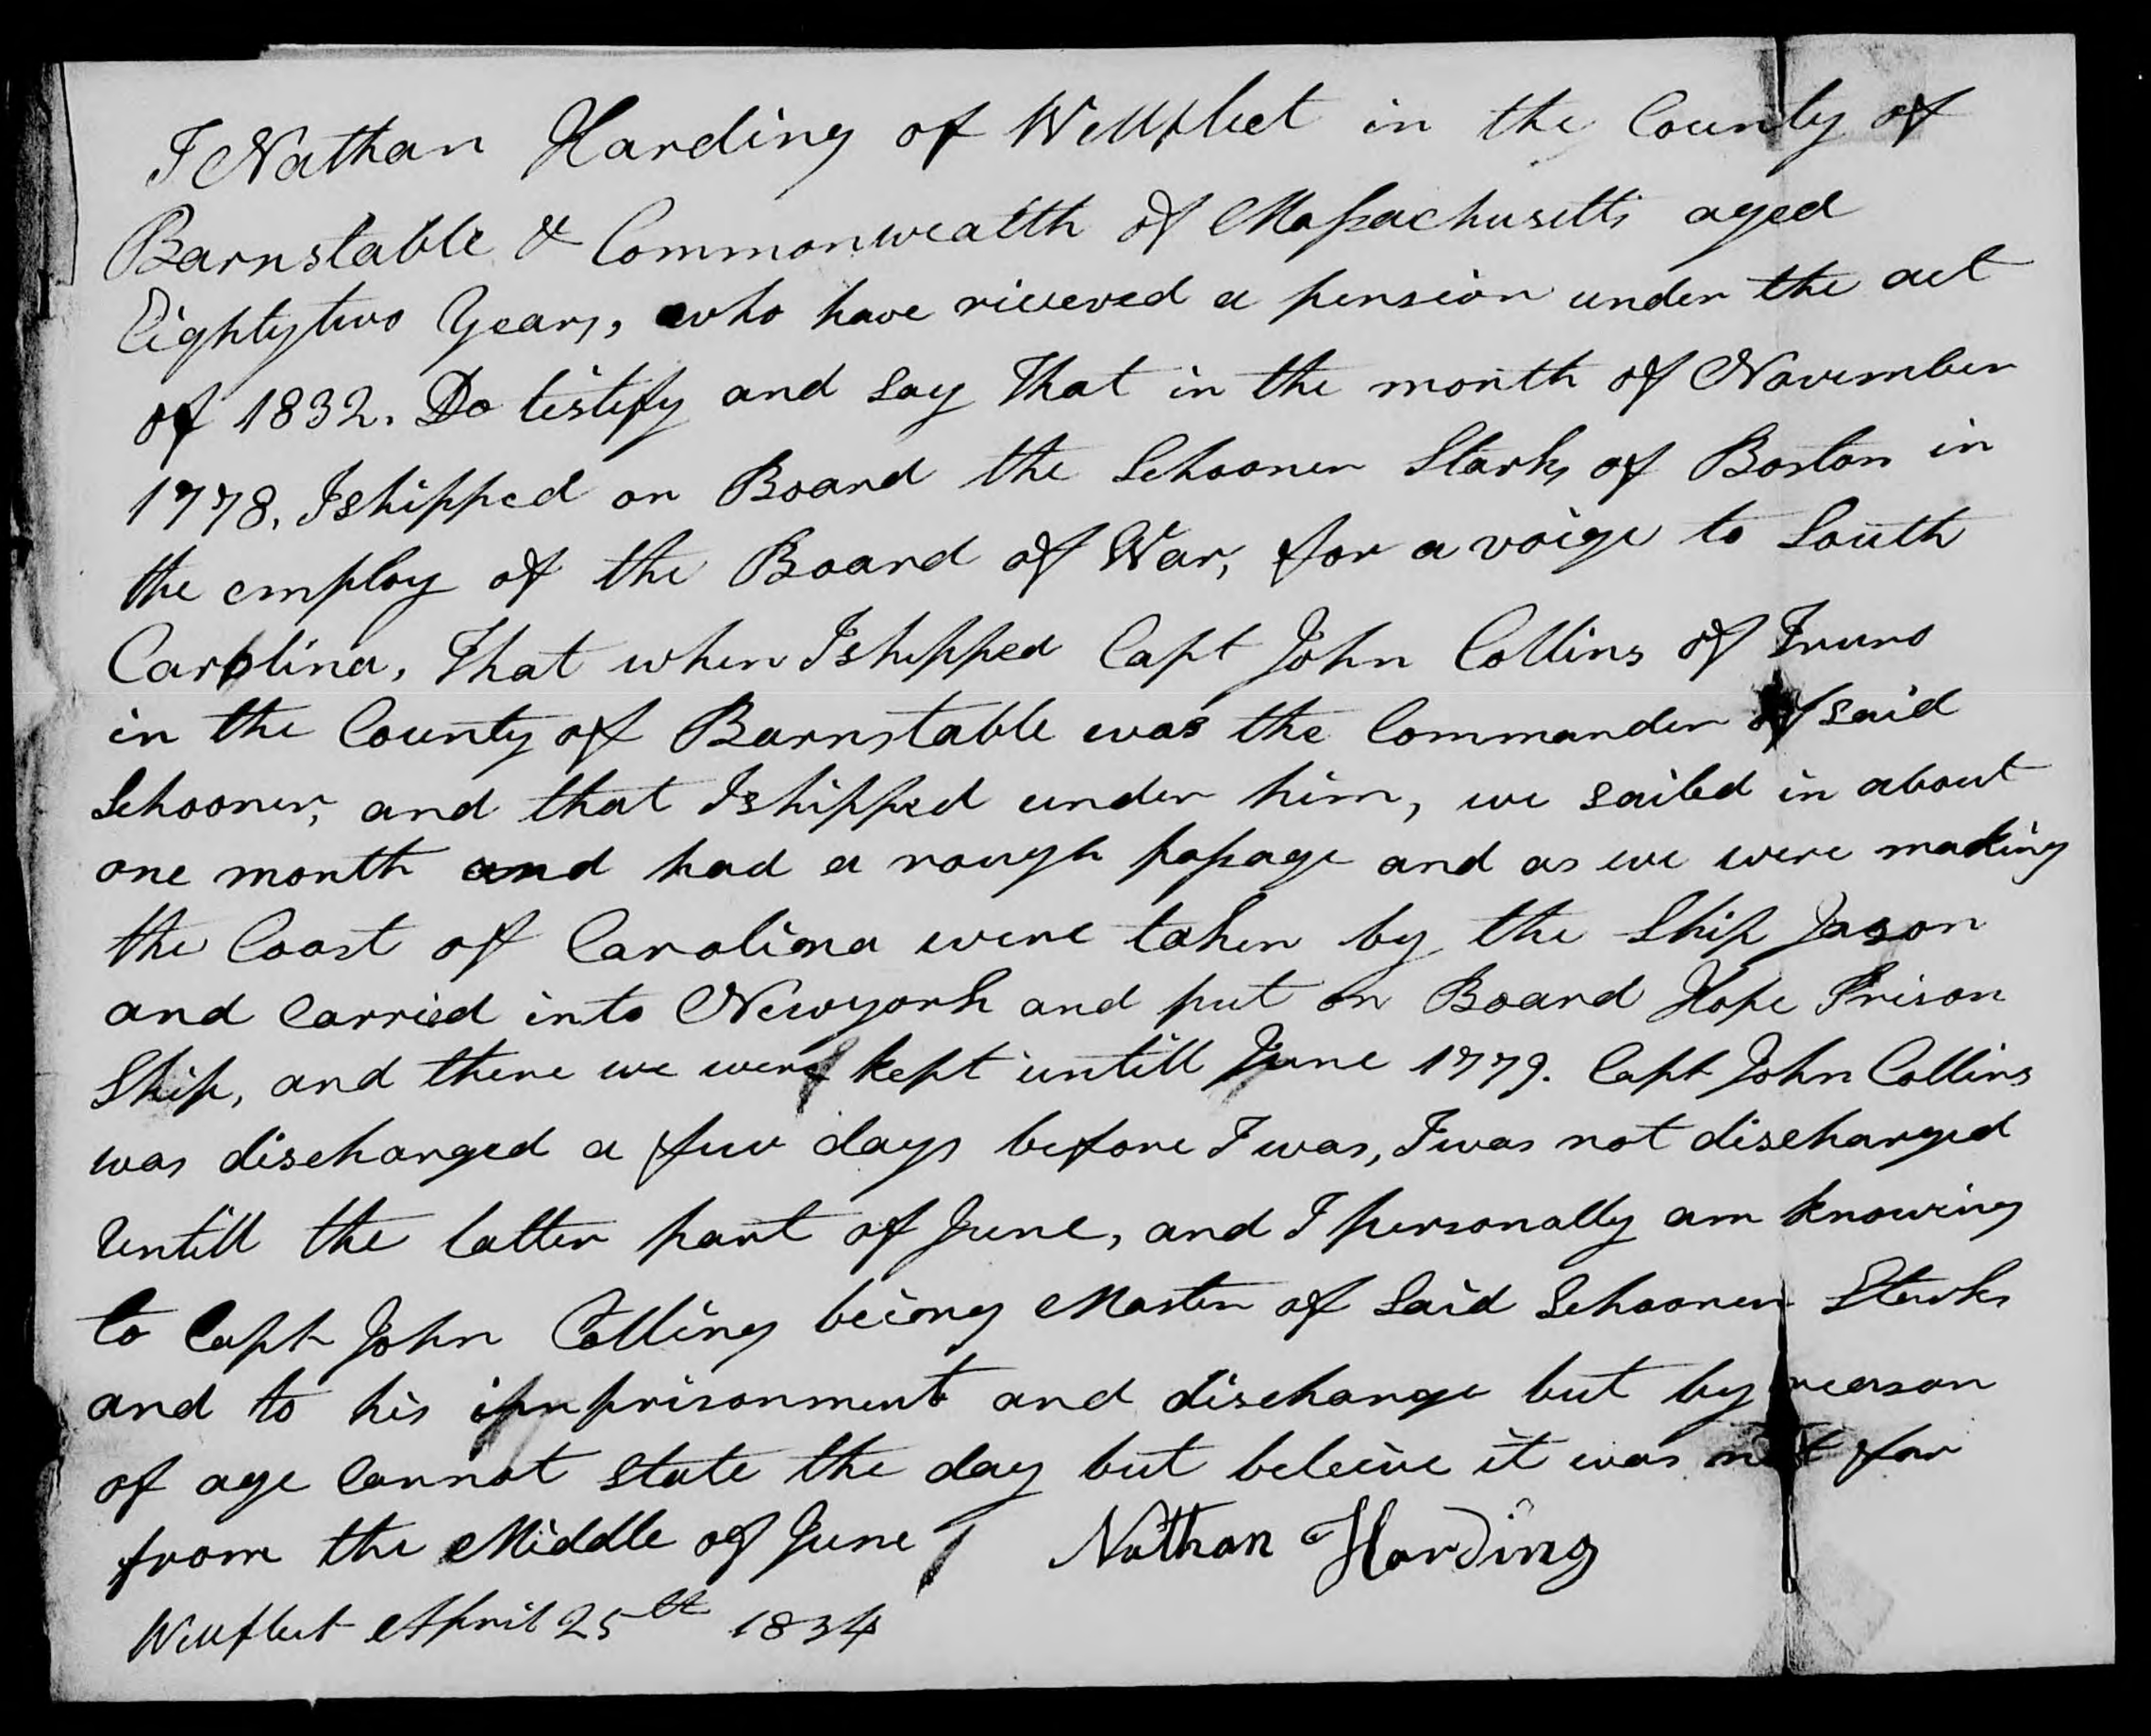I Nathan Harding of Wellfleet in the County off Barnstable & Commonwealth of Massachusetts aged eighty two years, who have received a pension under the act of 1832. Do testify and say that in the month of November 1778 I shipped on board the Schooner Starks of Boston in the employ of the Board of War, for a voyage to South Carolina . That when I shipped Capt John Collins of Truro in the County of Barnstable was the Commander of said Schooner, and that I shipped under him, we sailed in about one month and had a rough passage and as we were making the Coast of Carolina were taken by the Ship Jason and carried into New York and put on board Hope Prison ship, and there we were kept untill June 1779. Capt John Collins was discharged a few days before I was, I was not discharged untill the latter part of June, and I personally am knowing to Capt John Collins being master of said Schooner Stark and to his imprisonment and discharge but by reason of age cannot state the day but believe it was the from the Middle of June 
Nathan Harding
Wellfleet April 25th 1834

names: Nathan Harding, John Collins, Nathan Harding, John Collins, John Collins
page: 41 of 43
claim: survivor's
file: S. 29,732, John Collins, Mass. Navy